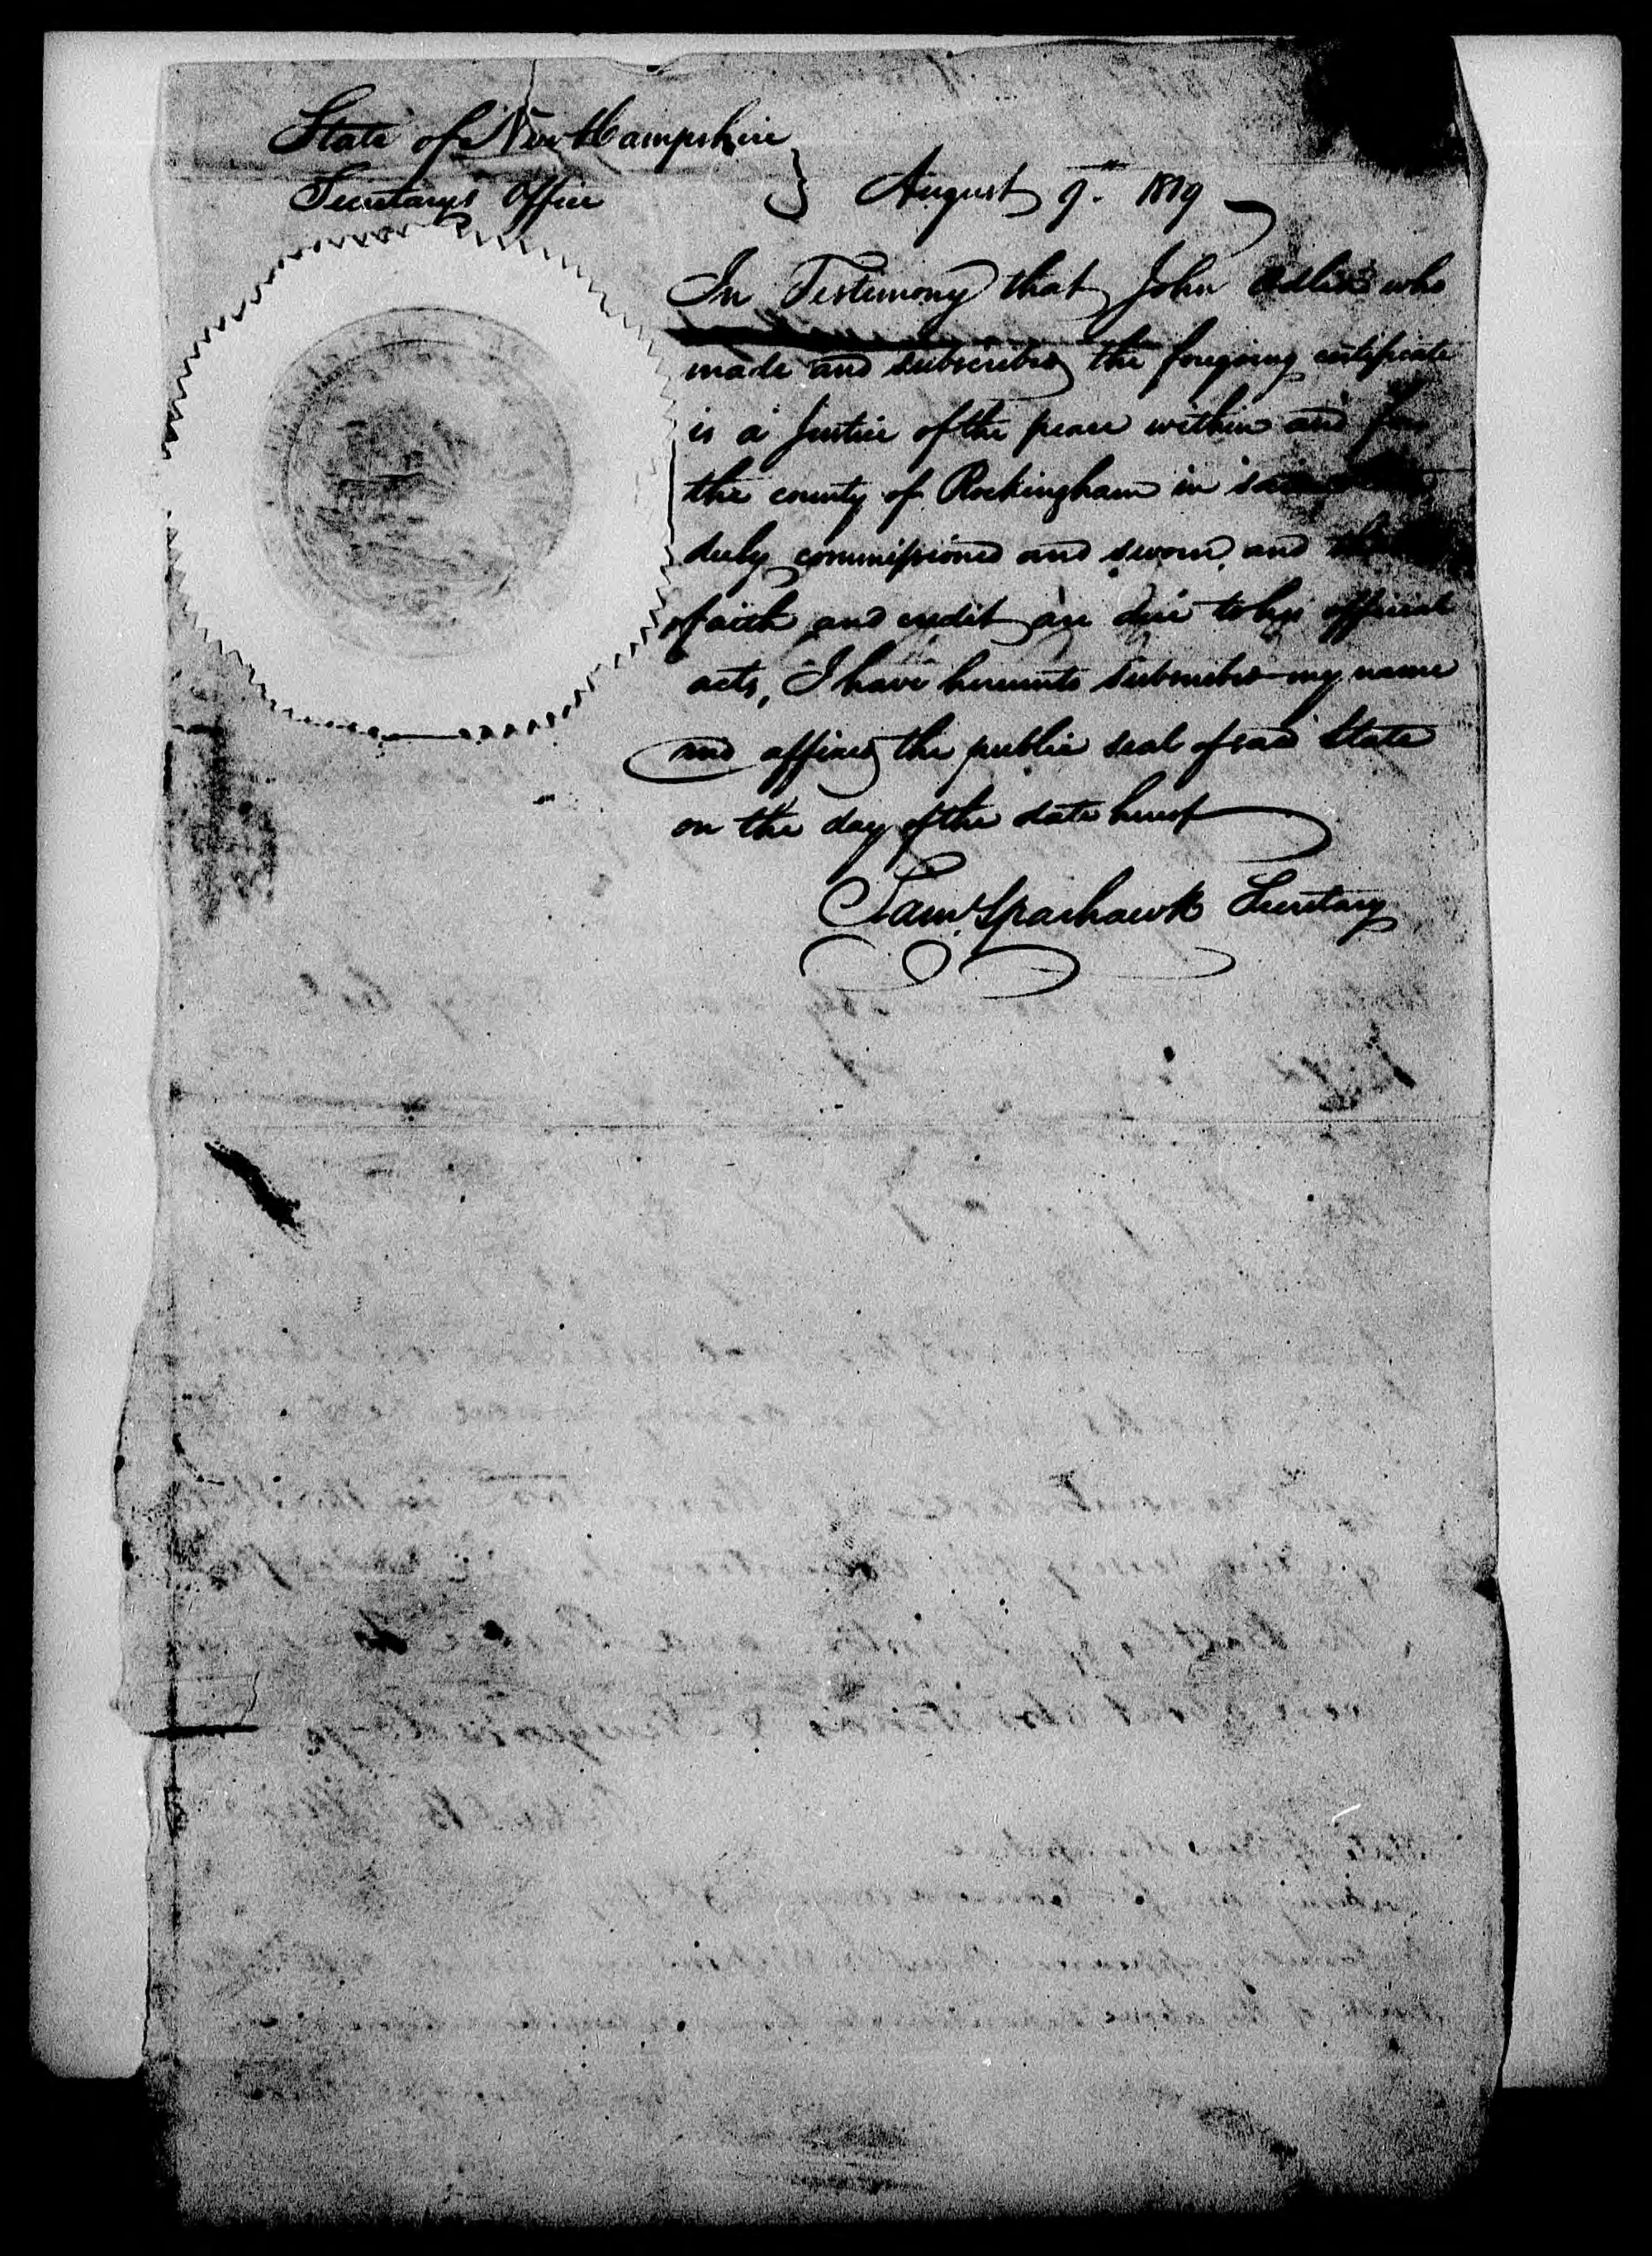State of New Hampshire
Secretary Office
August 9 1819
In Testimony that John Allen who
made and subscribed the foregoing certificate
is a Justice of the peace within and
the County of Rockingham in said [illegible]
duly commissioned and sworn, and
faith and credit are due to his official
acts, I have hereunto submitted my name
and affixed the public seal of said State
on the day of the date hereof
Sam Sparhawk Secretary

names: Saml Sparhawk, John Collin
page: 39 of 57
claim: widow's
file: W. 16,114, John Elliot, Continental (Mass) N.H.